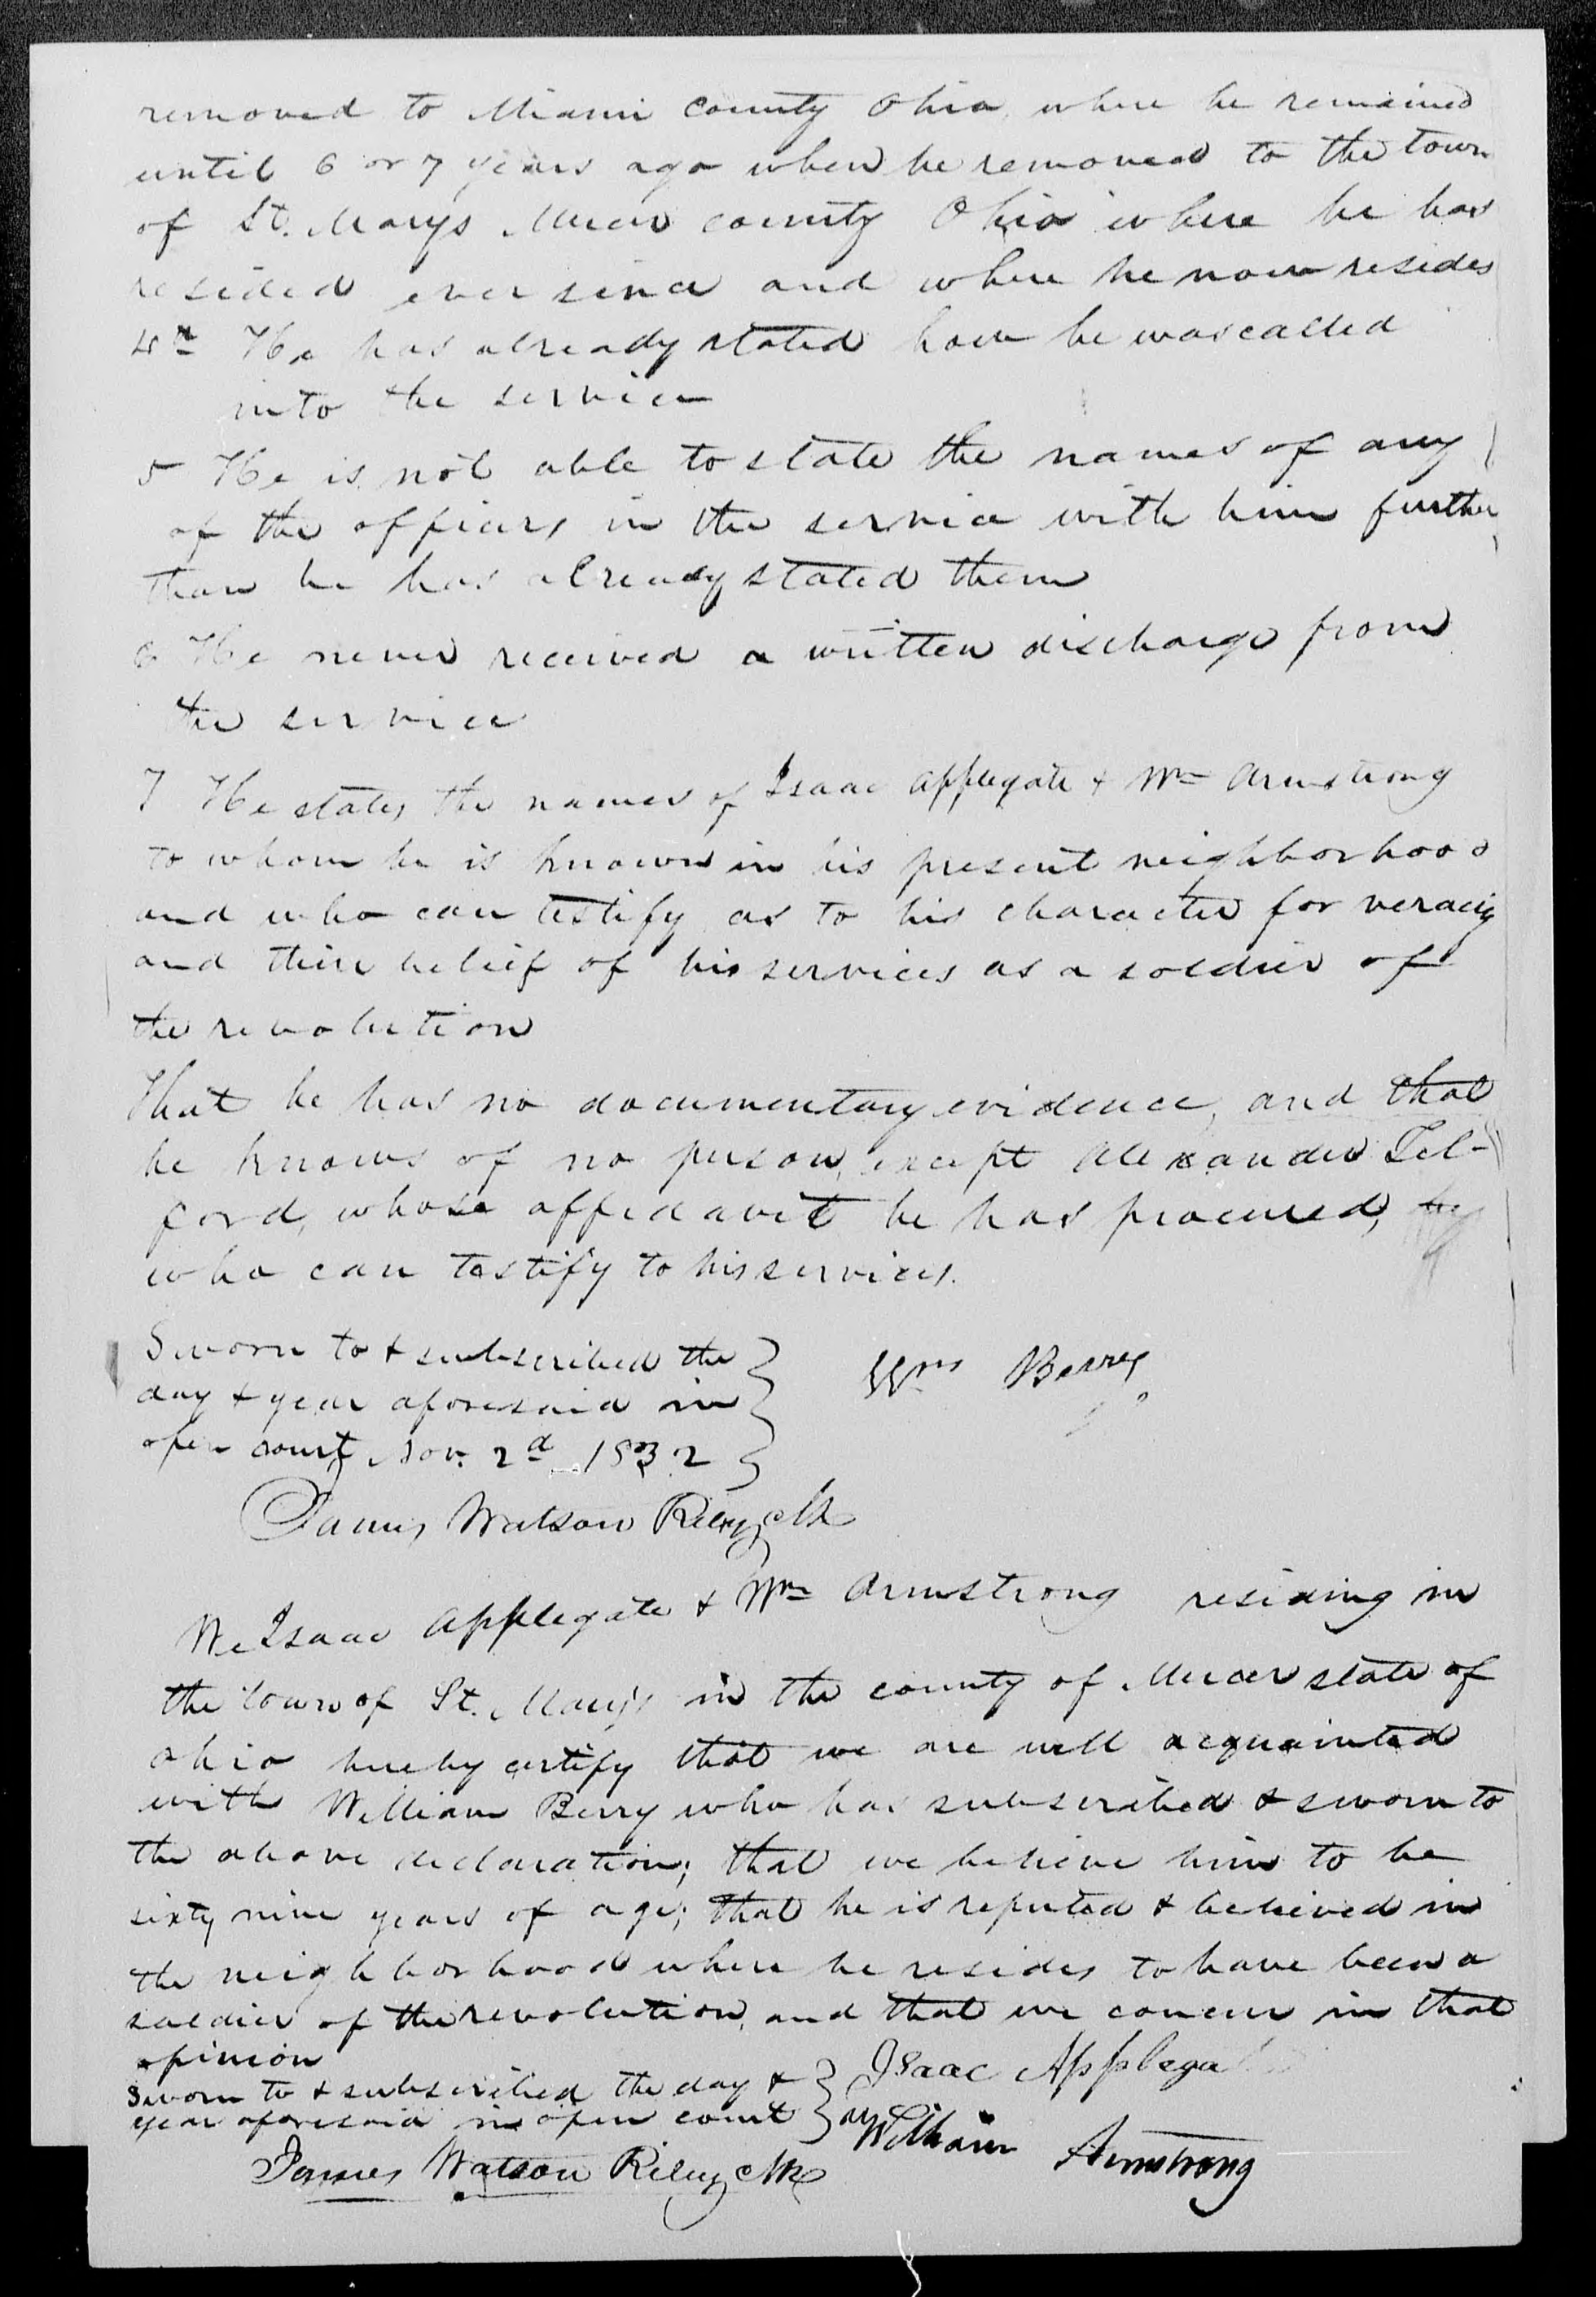removed to Miami County Ohio where he remained until 6 or 7 years ago when he removed to the town of St. Mary’s Mercer County Ohio where he has resided ever since and where he now resides 
4th He has already stated how he was called into the service 
5 He is not able to state the names of any of the officers in the service with him further than he has already stated them
6 He never received a written discharge from the service 
7 He states the names of Isaac Applegate & Wm. Armstrong to whom he is known in his present neighborhood and who can testify as to his character for veracity and their belief of his services as a soldier of the revolution 
That he has no documentary evidence, and that he knows of no person, except Alexander Telford [pension application S4681], whose affidavit he has procured, who can testify to his services. 
Sworn to & subscribed the day & year aforesaid in open court Nov. 2d 1832}
James Watson Riley clk [Clerk]
[Signed] Wm Berry

We Isaac Applegate & Wm. Armstrong residing in the town of St. Mary’s in the county of Mercer State of Ohio hereby certify that we are well acquainted with William Berry who has subscribed & sworn to the above declaration; that we believe him to be sixty nine years of age; that he is reputed & believed in the neighborhood where he resides to have been a soldier of the revolution and that we concur in that opinion 
Sworn to & subscribed the day & year aforesaid in open court}
James Watson Riley clk [Clerk]
Isaac Applegate
and William Armstrong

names: James Watson Riley, Isaac Applegate, Wm Berry, William Berry, Isaac Applegate, Isaac Applegate, Wm Armstrong, William Armstrong, James Watson Riley, Wm Armstrong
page: 6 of 21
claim: survivor's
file: S. 2,371, William Berry, Va.